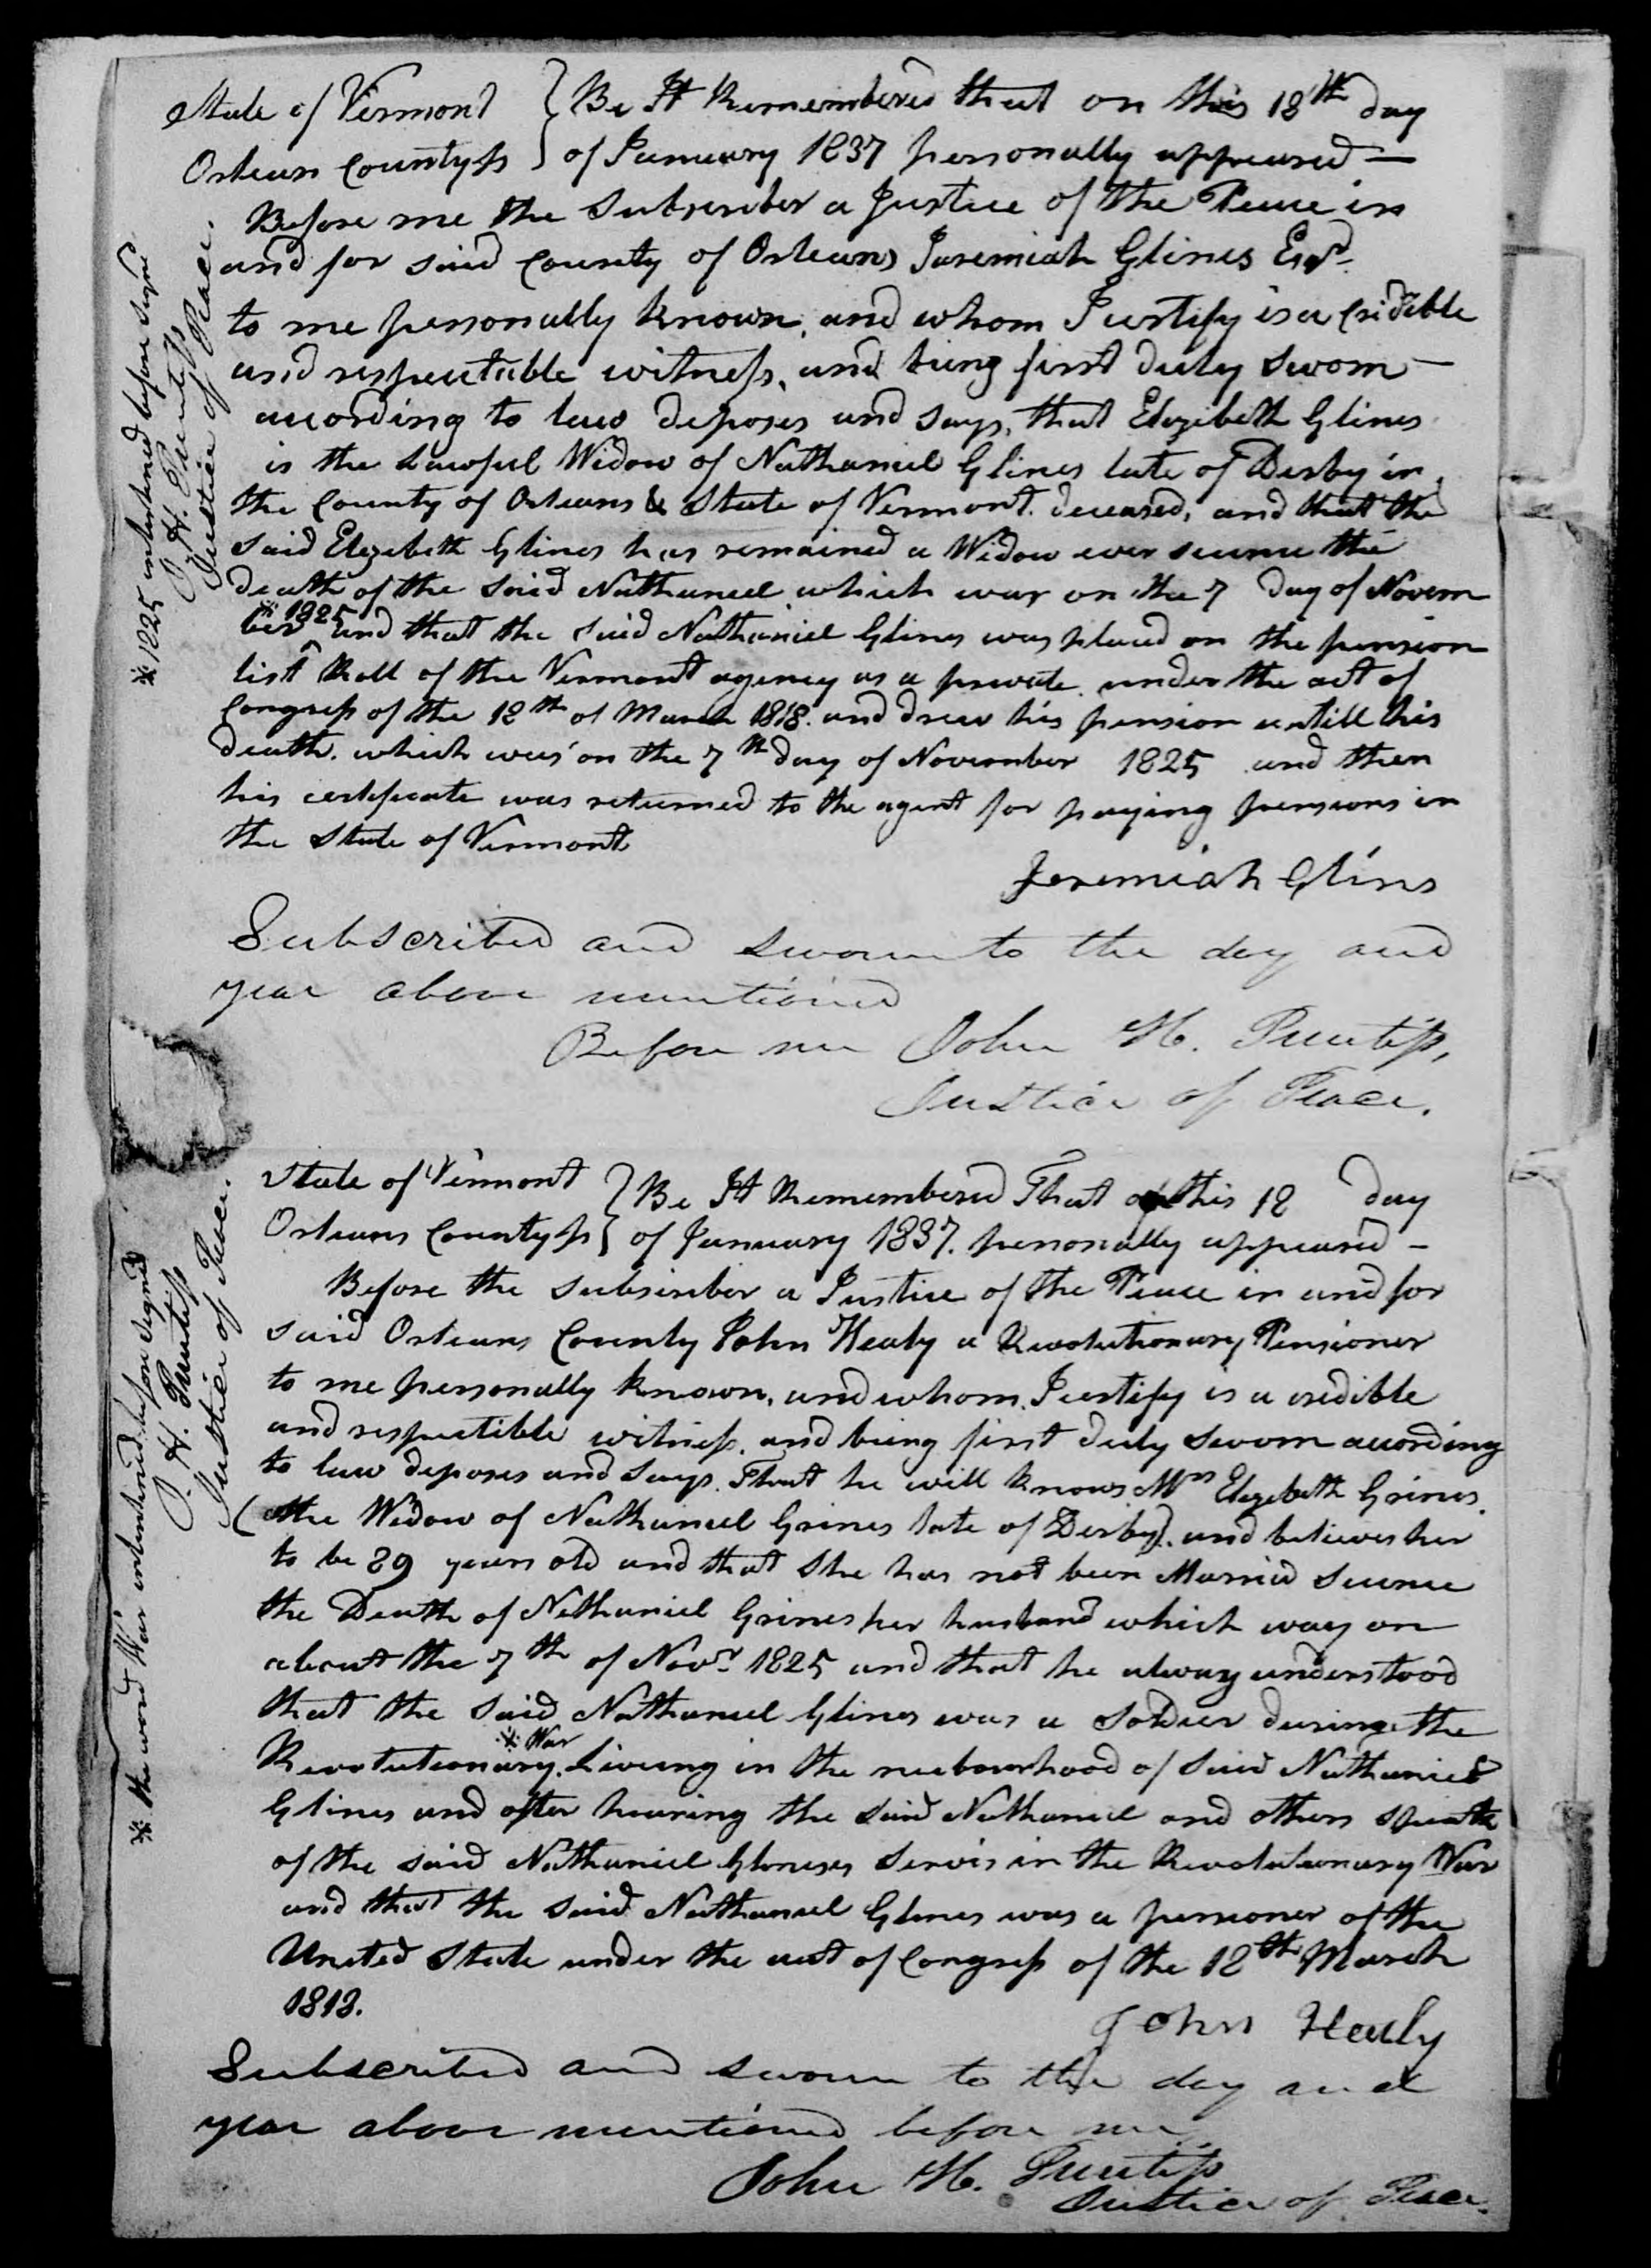State of Vermont     )
Orleans County fs    )

Be It Remembered that on this 18th day of January 1837 personally appeared---Before me the Subscriber a Justice of the Peace in and for said County of Orleans Jeremiah Glines Esq'r to me personally known, and whom I certify is a credible and respectible witnefs, and being first duly Sworn--according to law deposes and says that Elizabeth Glines is the Lawful Widow of Nathaniel Glines late of Derby in the County of Orleans & State of Vermont deceased, and that the said Elizabeth Glines has remained a Widow ever since the death of the Said Nathaniel which was on the 7 day of November **1825 and that the said Nathaniel Glines was placed on the pension list Roll of the Vermont agency as a private under the act of Congrefs of the 18th of March 1818 and drew his pension untill his death, whih was on the 7th day of November 1825 and then his certificate was returned to the agent for paying pensions in the State of Vermont.
Jeremiah Glines
[written vertically in the left margin beside the above paragraph]
**1825 interlined before sign'd
O.H. Prentifs
Justice of Peace.

Subscribed and Sworn to the day and year above mentioned
Before me  John H. Prentifs,
Justice of Peace.

State of Vermont      )
Orleans County fs    )

Be It Remembered That on this 18 day of January 1837 personally appeared--Before the Subscriber a Justice of the Peace in and for said Orleans County John Healy a Revolutionary Pensioner to me personally known, and whom I certify is a credible and respectible witnefs, and being irst duly Sworn according to law deposes and says That he well knows Mrs Elizabeth Glines (the Widow of Nathaniel Glines late of Derby) and believes her to be 89 years old and that She has not been Married Since the Death of Nathaniel Glines her husband which was on about the 7th of Nov'r 1825 and that he always understood that the Said Nathaniel Glines was a Soldier during the Revolutionary **War Living in the neibourhood or Said Nathaniel Glines and after hearing the Said Nathaniel and others speak of the said Nathaniel Glines Servis in the Revolutionary War and that the said Nathaniel Glines was a pensioner of the United States under the act of Congrefs of the 18th March 1818.
John Healy
** the word War interlined before signed
O.H. Prentifs
Justice of Peace.

Subscribed and sworn to the day and year above mentioned before me
John H. Prentifs
Justice of Peace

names: J H Prentiss, Jeremiah Glines, Nathaniel, Nathaniel Glines, Nathaniel Glines, John Healy, Nathaniel Grines, Nathaniel Glines, Elizabeth Glines, Elizibeth Glines, Nathaniel Grines, John H Prentiss, Nathaniel Glines, Jeremiah Glines, John H Prentiss, J H Prentiss, Nathaniel, Nathaniel Glines, John Healy, Nathaniel Glines, Elizebeth Grines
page: 22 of 29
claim: widow's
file: W. 24,282, Nathaniel Glines, N.H.